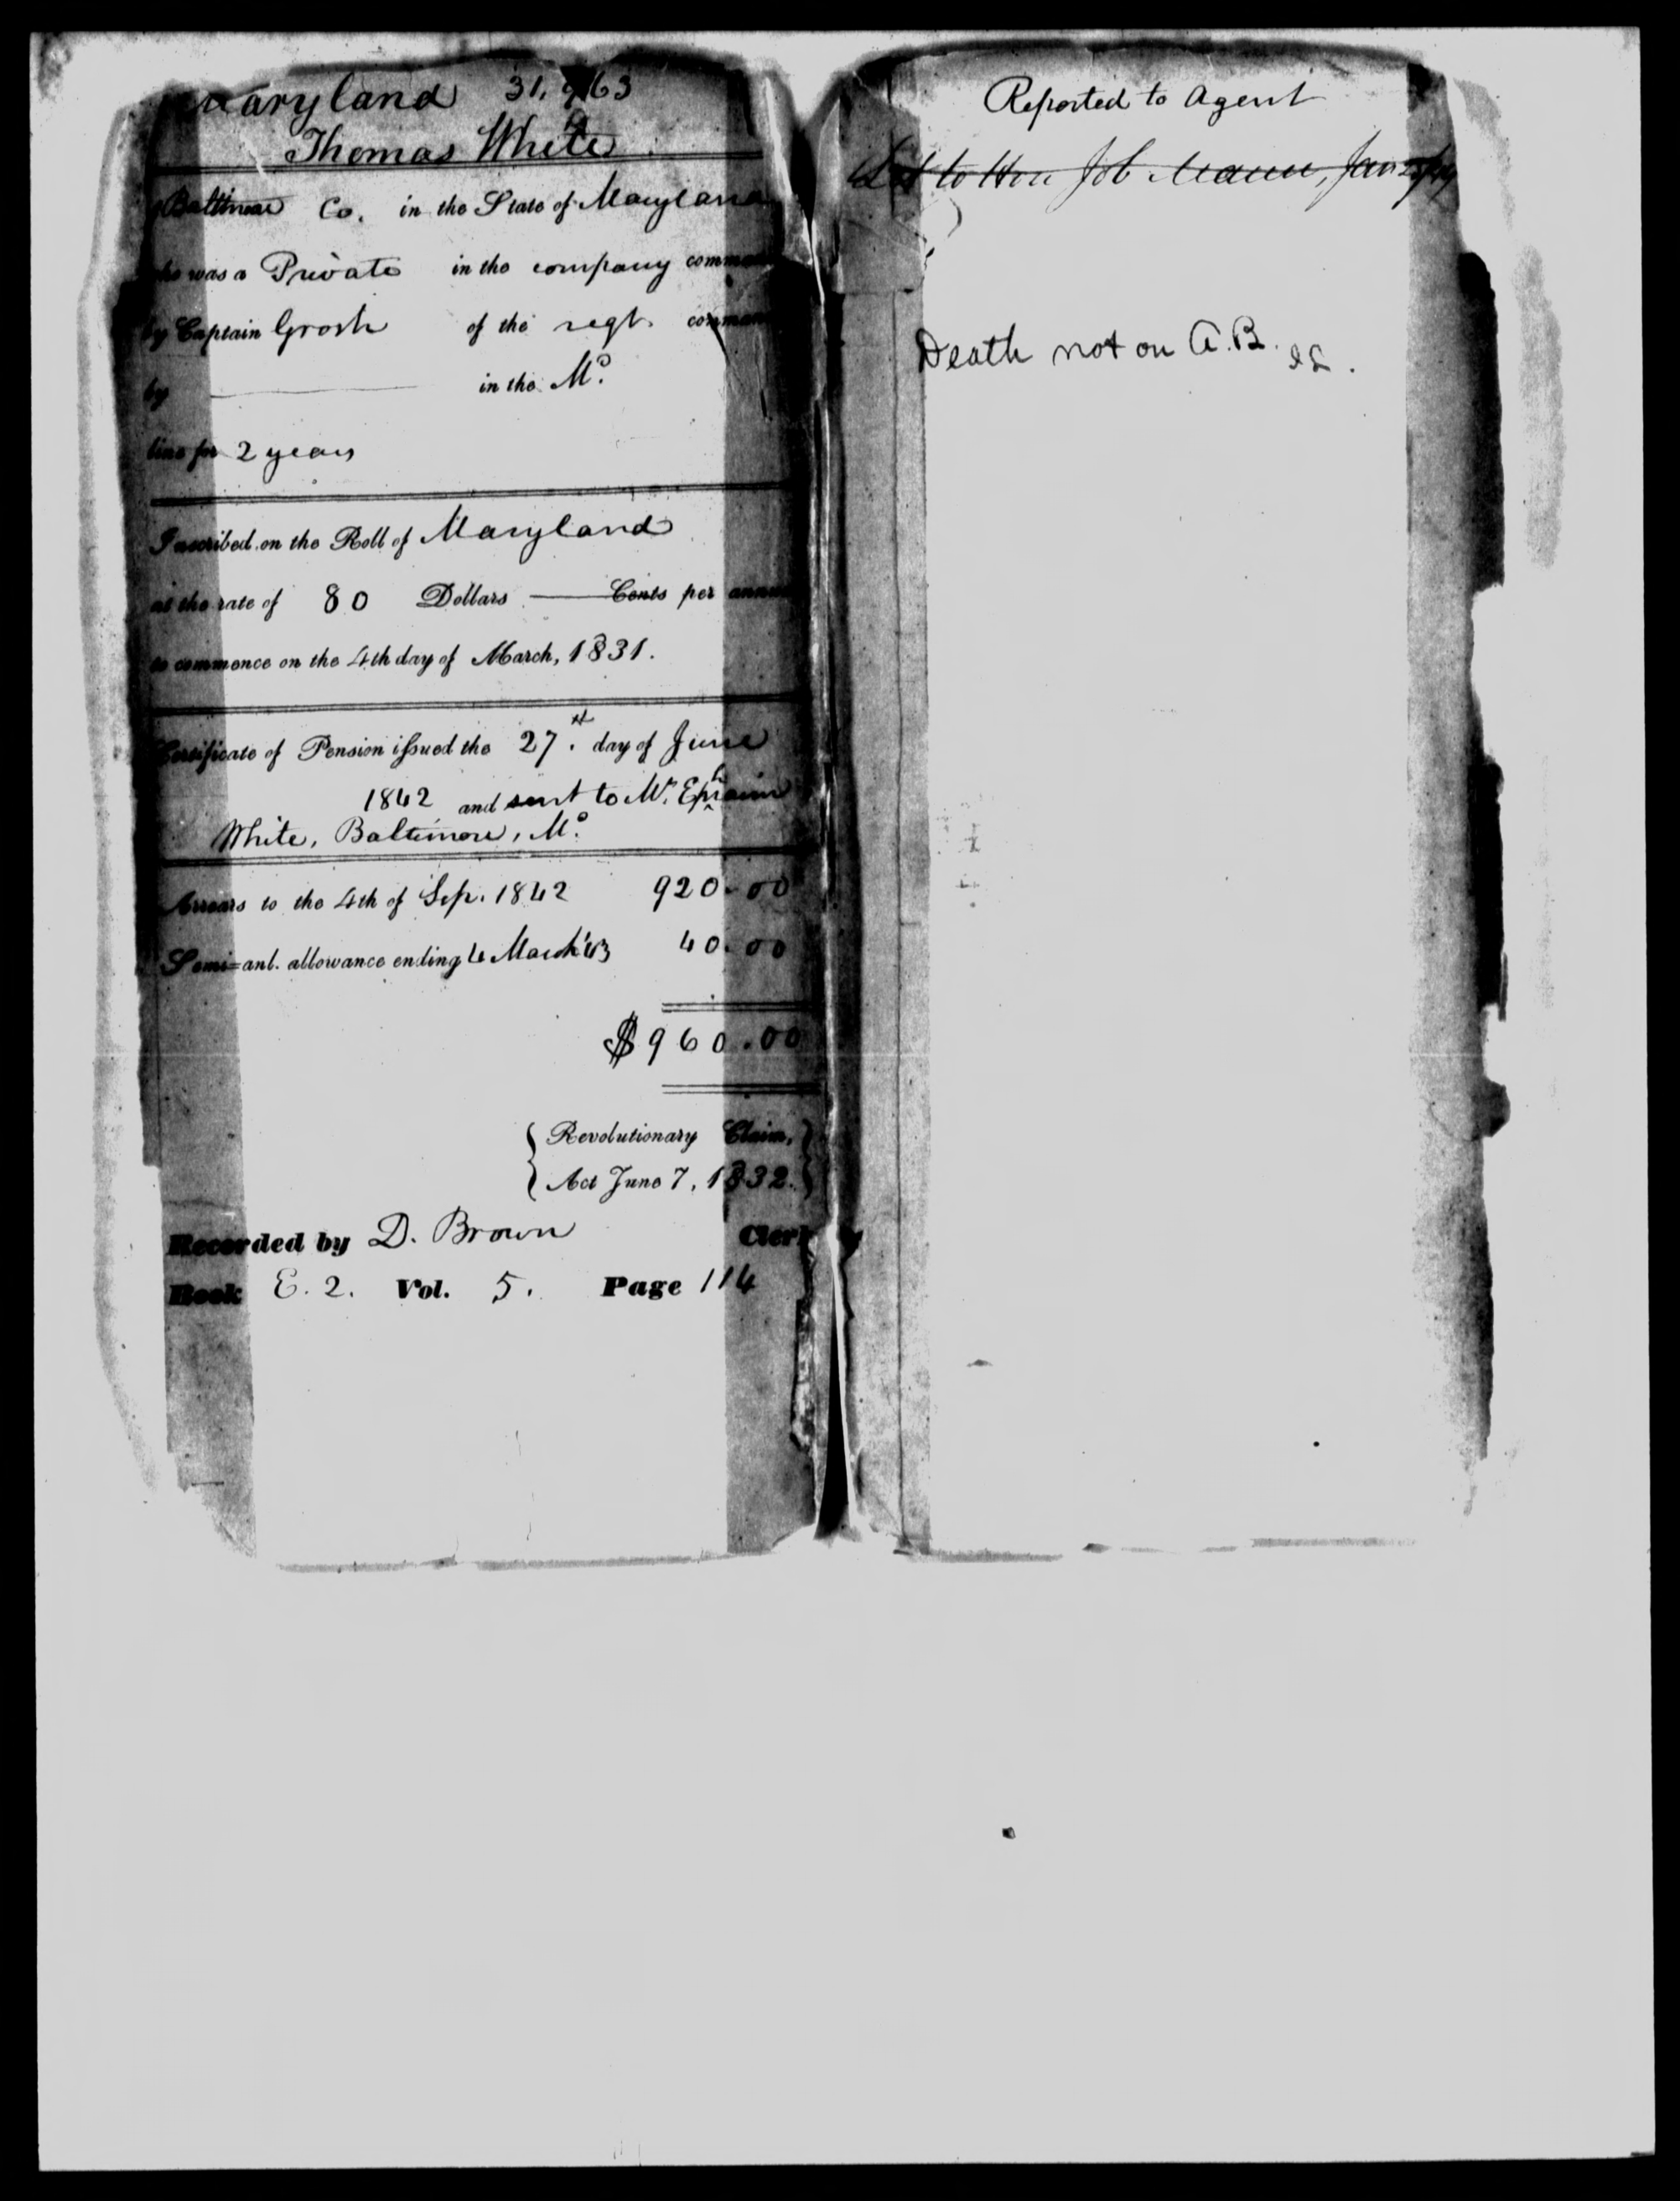Maryland 31, 963
Thomas White
Baltimore Co. in the State of Maryland
who was a Private in the company command
by Captain Grosh of the regt command
by ______________ in the M.
line for 2 years
[illegible]scribed on the Roll of Maryland
at the rate of 80 Dollars - [crossed out] Cents per [illegible] to commence on the 4th day of March, 1831.
Certificate of Pension issued the 27th day of June
1862 and sent to Mr. Ephraim White, Baltimore, Md.
[illegible] to the 4th of Sep. 1862
[illegible] an allowance ending March '63
920.00
40.00
---------
$960.00

Revolutionary Claim,
Act June 7, 1832
Recorded by D. Brown      Clerk
Book E.2. Vol. 5 Page 114

Reported to Agent
[crossed out] to Hon Job [illegible]
Death not on A. B. [illegible]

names: Ephraim White, Thomas White, D Brown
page: 2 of 43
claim: survivor's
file: S. 15240, Thomas White, Md.